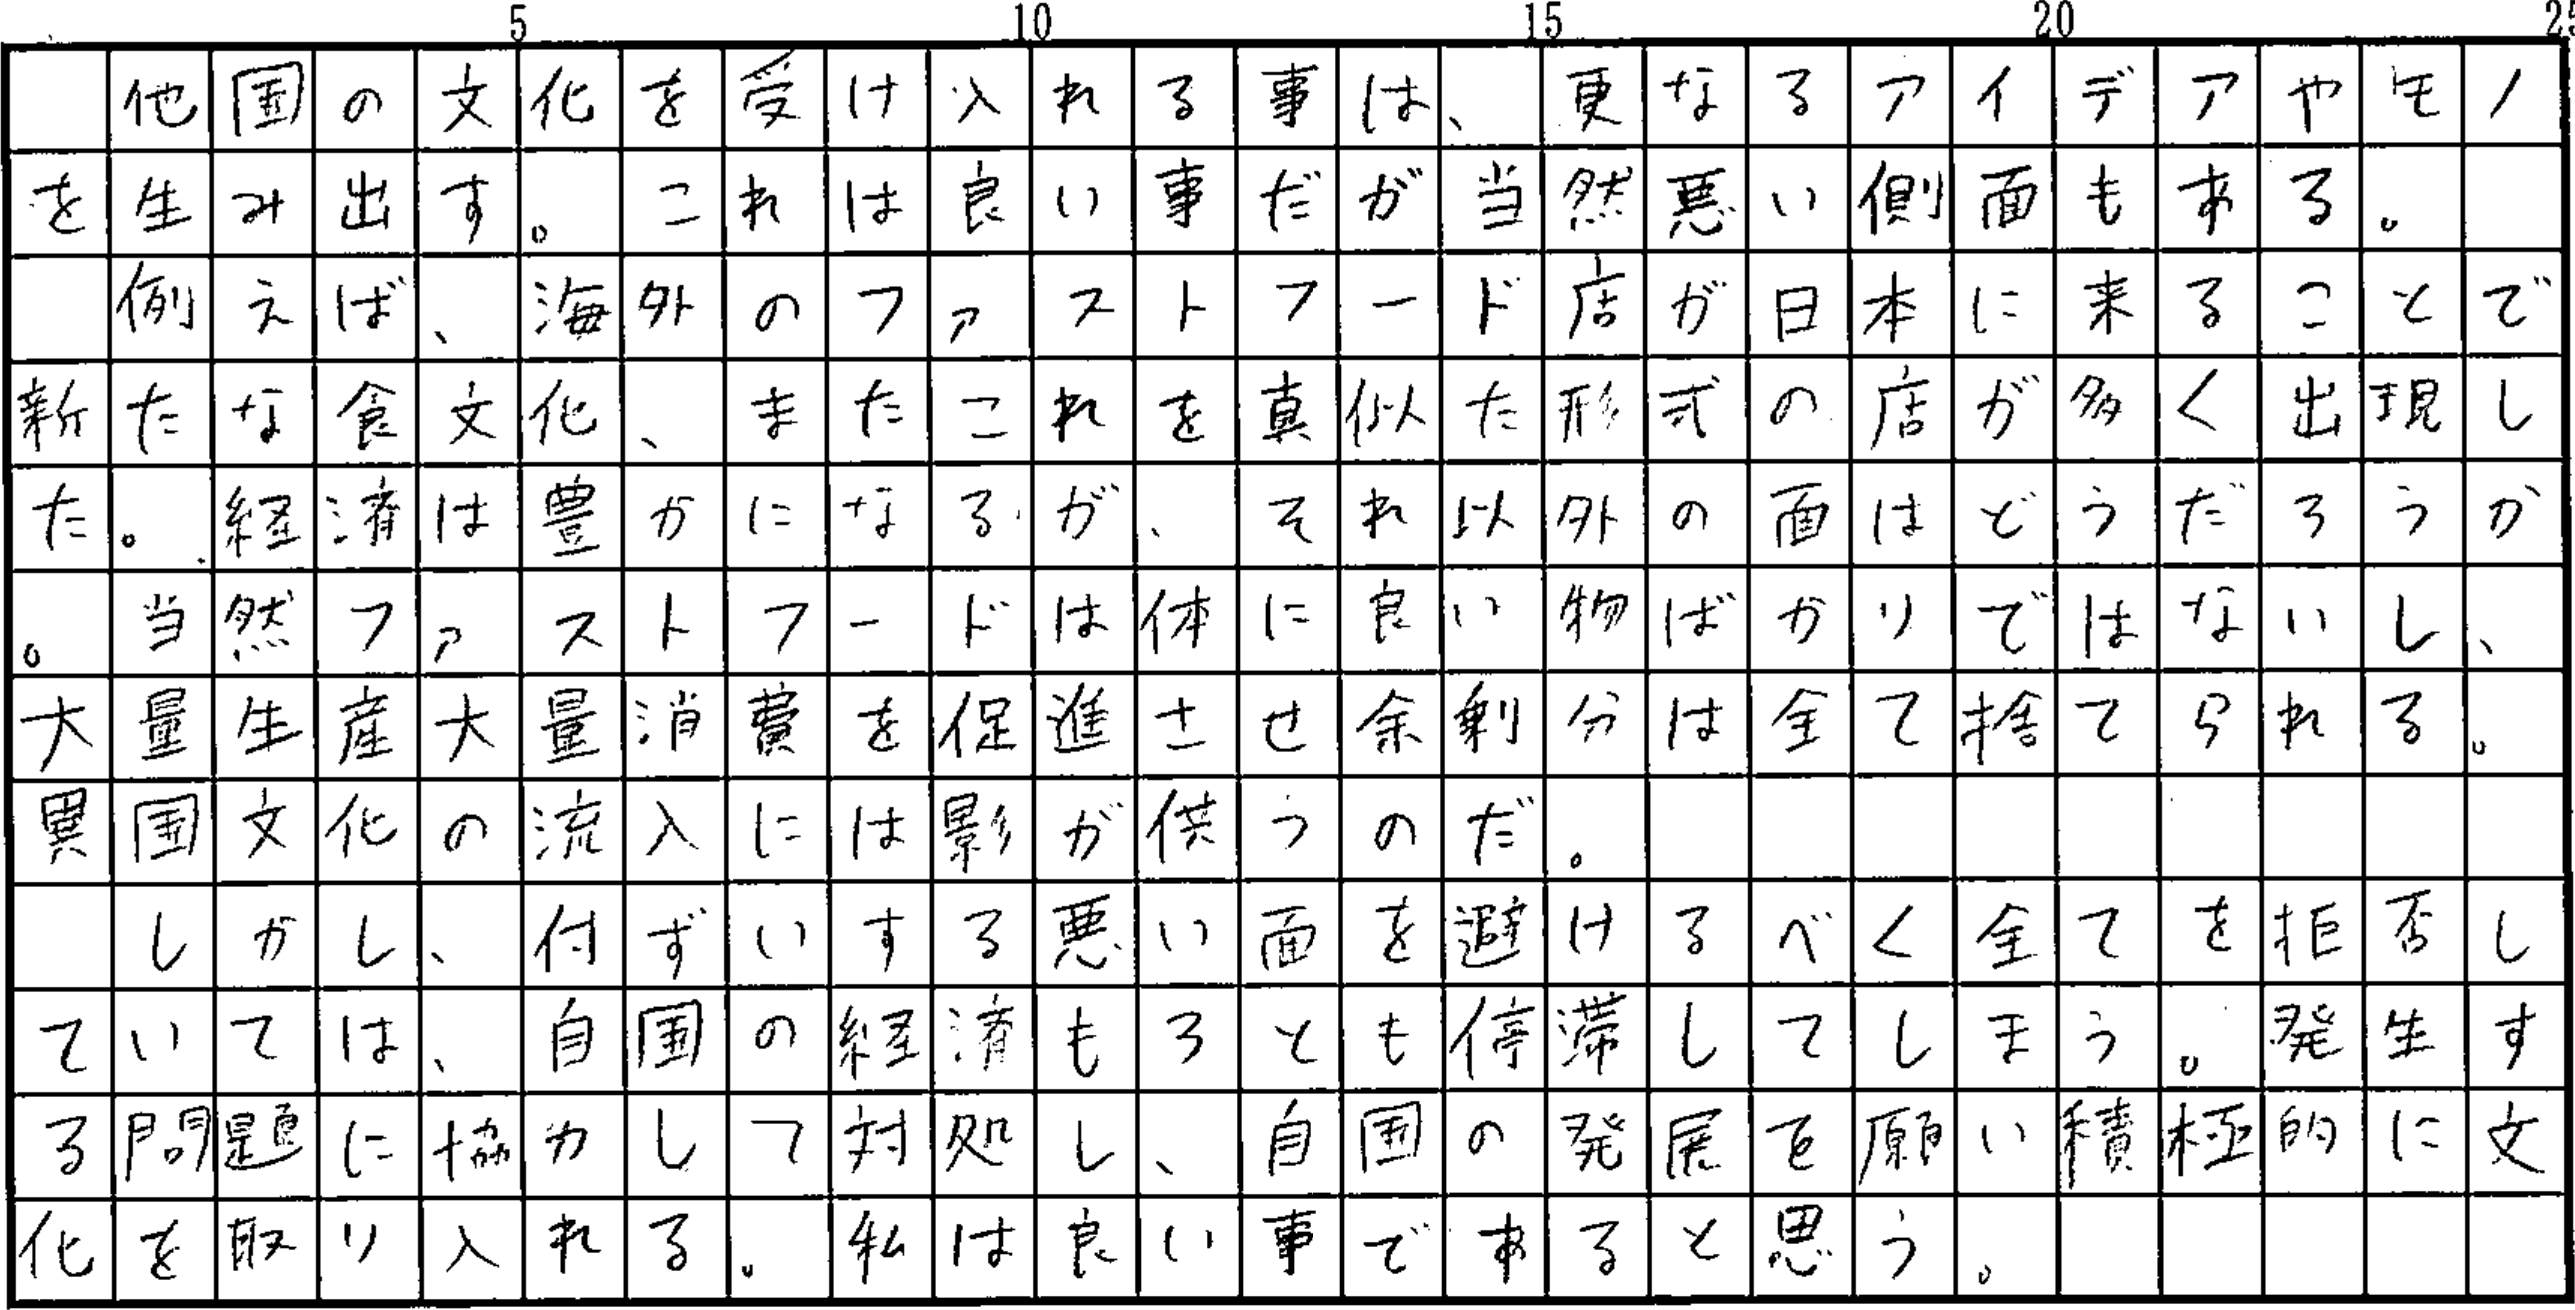　他国の文化を受け入れる事は、更なるアイデアやモノを生み出す。これは良い事だが当然悪い側面もある。
　例えば、海外のファストフード店が日本に来ることで新たな食文化、またこれを真似た形式の店が多く出現した。経済は豊かになるが、それ以外の面はどうだろうか。当然ファストフードは体に良い物ばかりではないし、大量生産大量消費を促進させ余剰分は全て捨てられる。異国文化の流入には影が供うのだ。
　しかし、付ずいする悪い面を避けるべく全てを拒否していては、自国の経済もろとも停滞してしまう。発生する問題に協力して対処し、自国の発展を願い積極的に文化を取り入れる。私は良い事であると思う。
